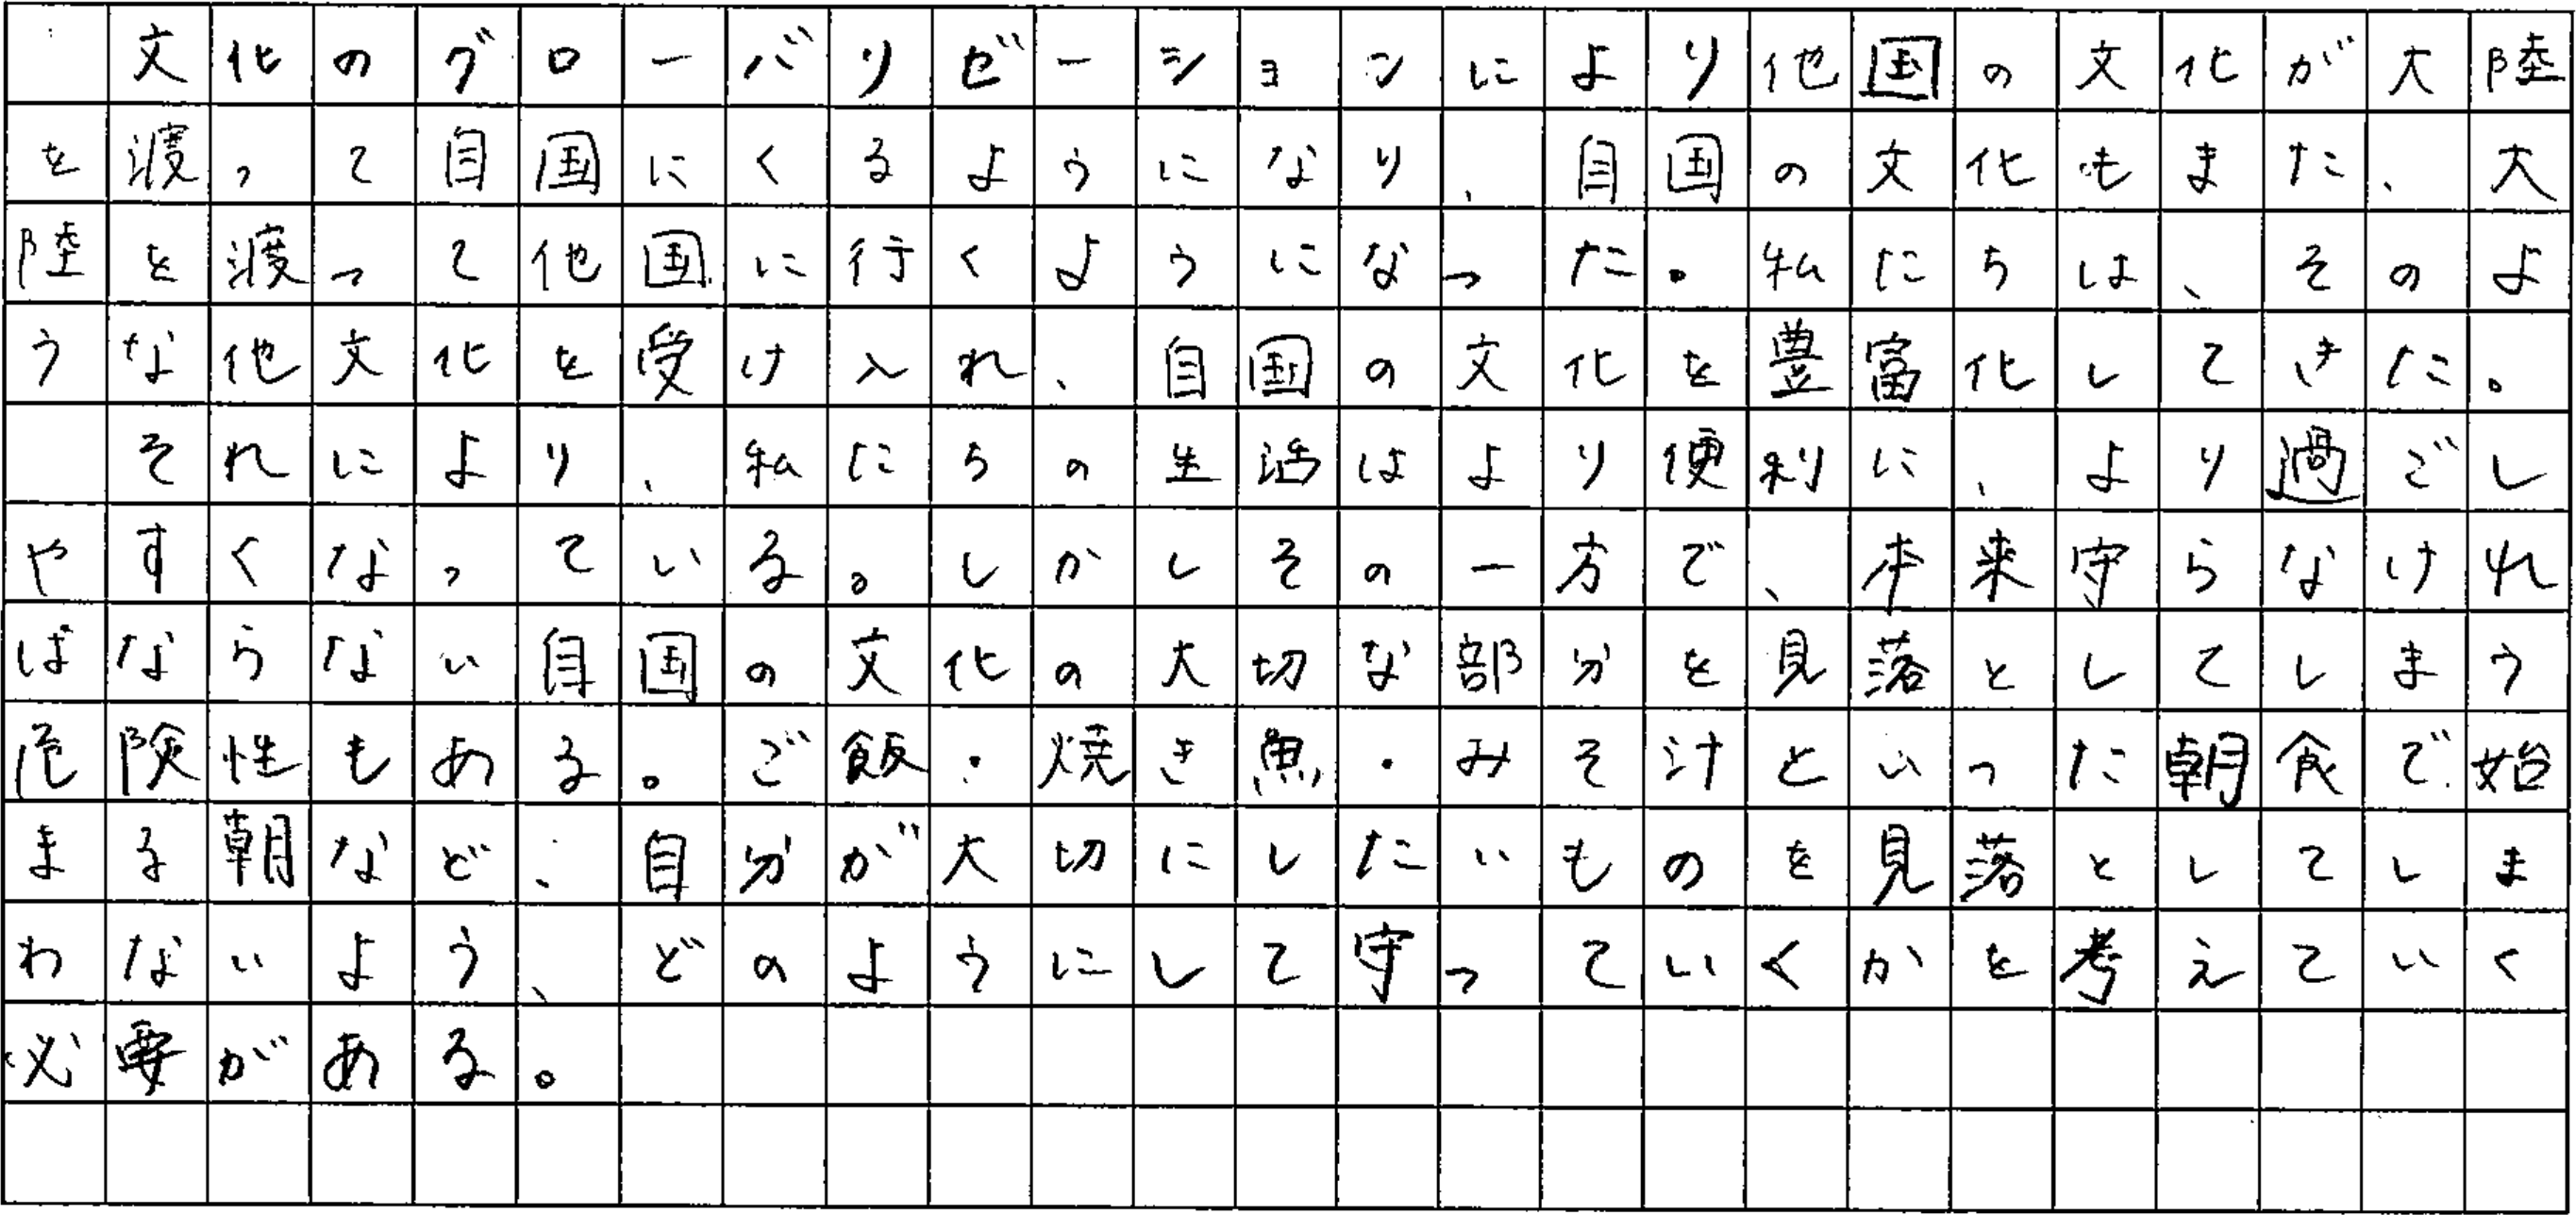　文化のグローバリゼーションにより他国の文化が大陸を渡って自国にくるようになり、自国の文化もまた、大陸を渡って他国に行くようになった。私たちは、そのような他文化を受け入れ、自国の文化を豊富化してきた。
　それにより、私たちの生活はより便利に、より過ごしやすくなっている。しかしその一方で、本来守らなければならない自国の文化の大切な部分を見落としてしまう危険性もある。ご飯・焼き魚・みそ汁といった朝食で始まる朝など、自分が大切にしたいものを見落としてしまわないよう、どのようにして守っていくかを考えていく必要がある。
